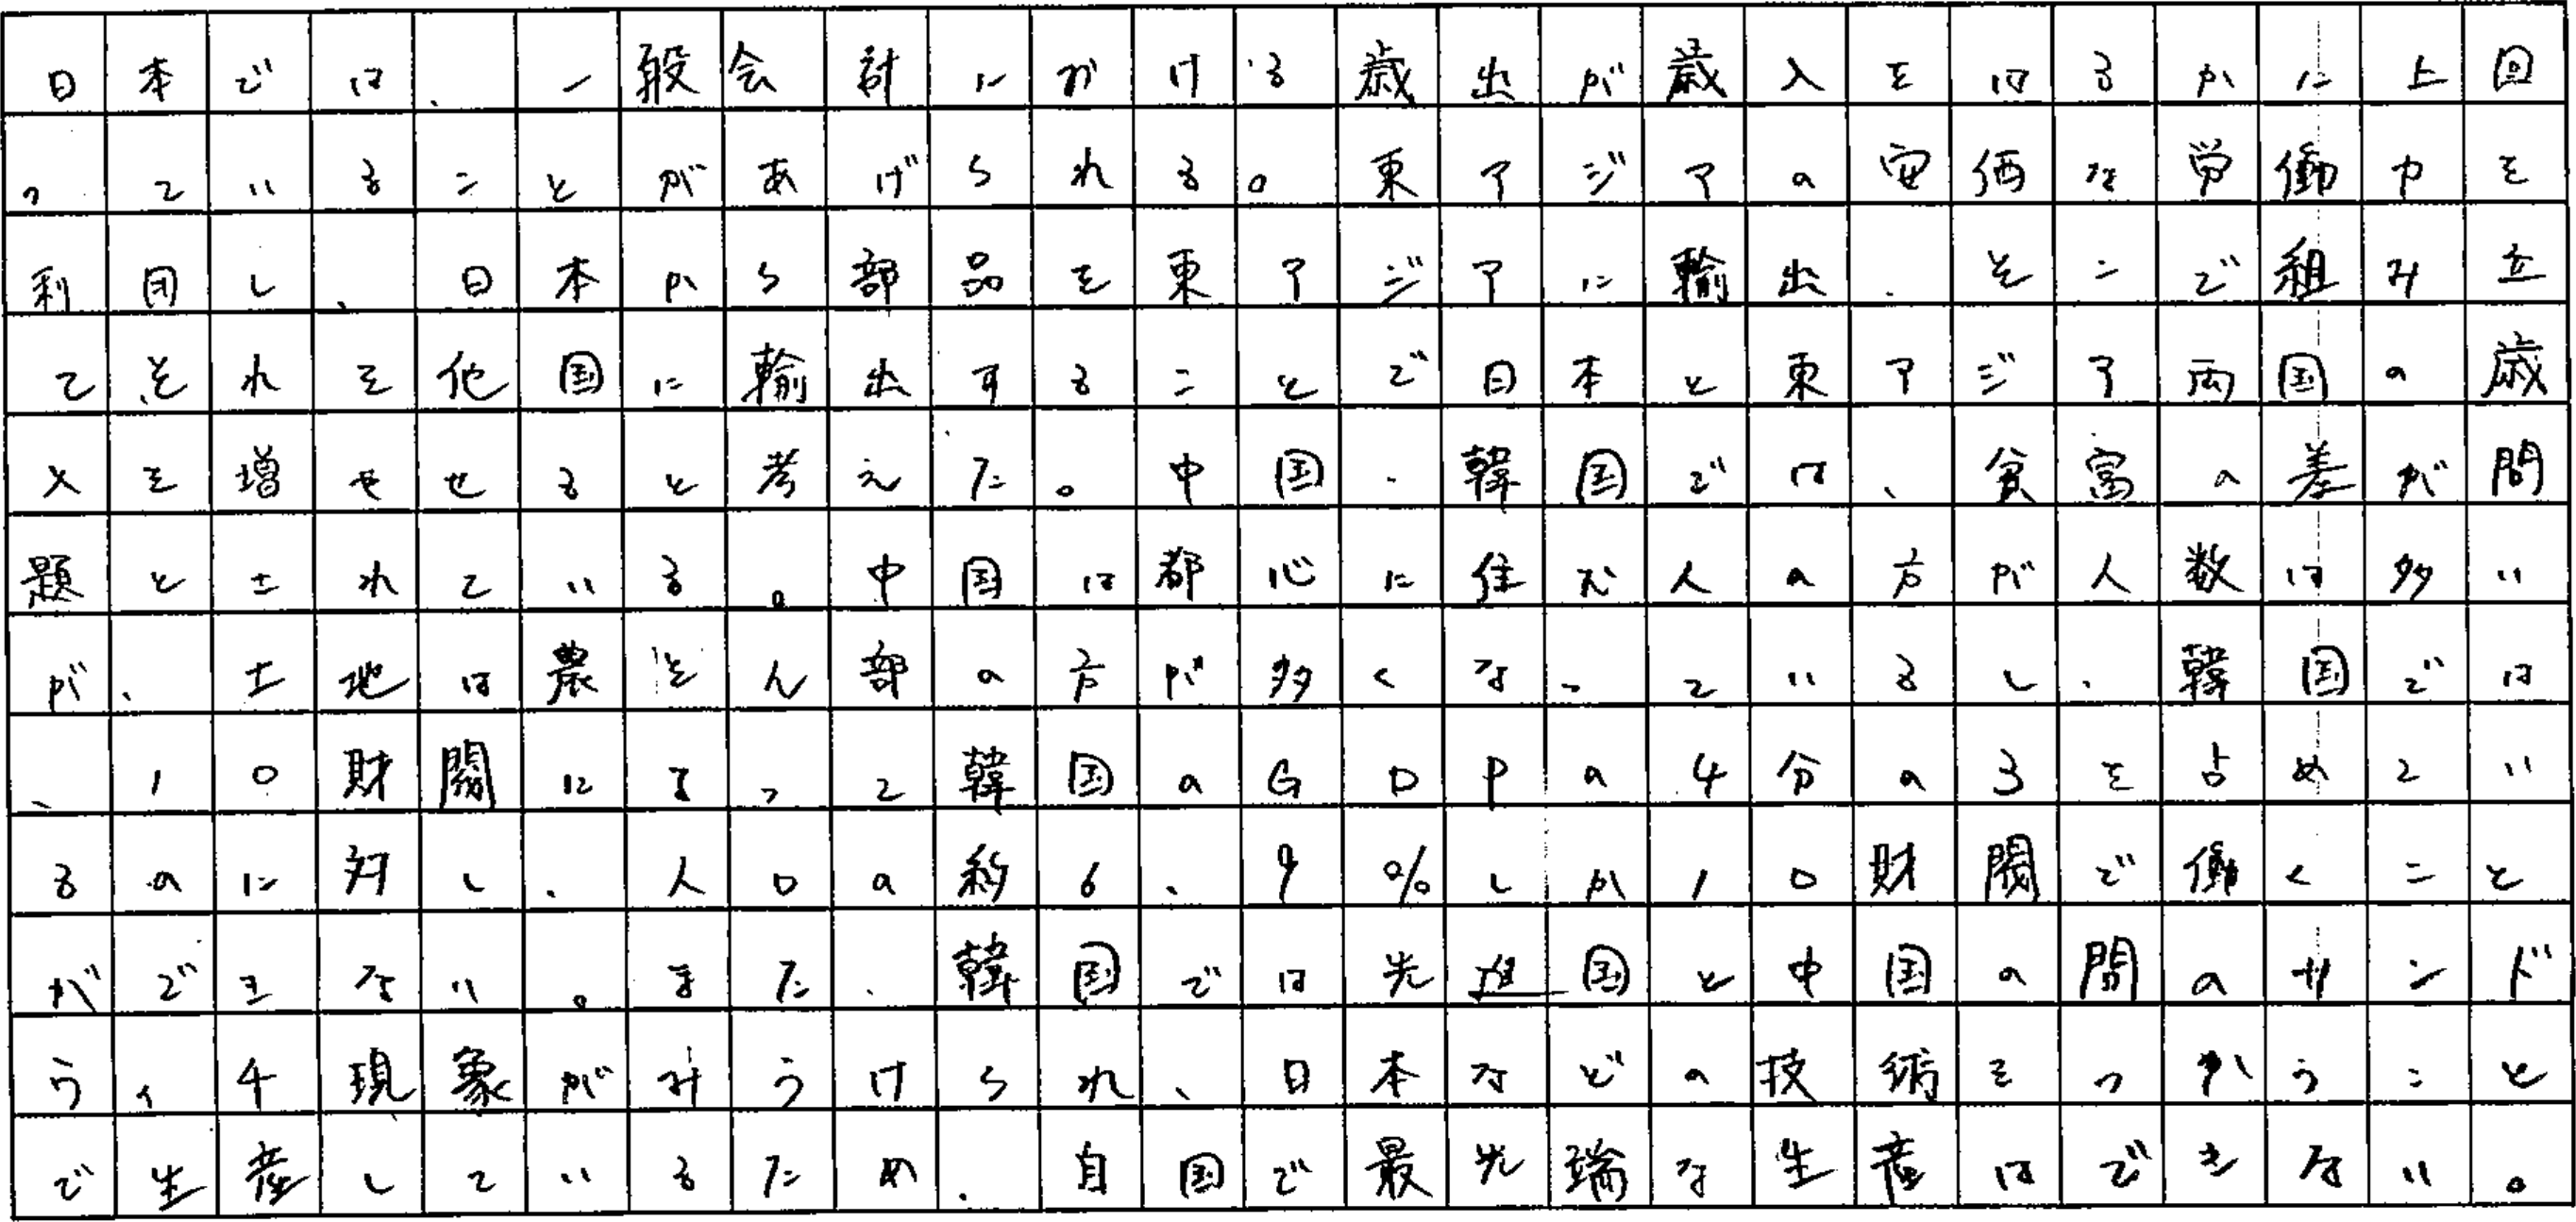日本では、一般会計における歳出が歳入を▁るかに上回っていることがあげられる。東アジアの安価な労働力を利用し、日本から部品を東アジアに輸出、そこで組み立てそれを他国に輸出することで日本と東アジア両国の歳入を増やせると考えた。中国・韓国では、貧富の差が問題とされている。中国は都心に住む人の方が人数は多いが、土地は農そん部の方が多くなっているし、韓国では、１０財閥によって韓国のＧＤＰの４分の３を占めているのに対し、人口の約６．９％しか１０財閥で働くことができない。また、韓国では先進国と中国の間のサンドウィチ現象がみうけられ、日本などの技術をつかうことで生産しているため、自国で最光端な生産はできない。
